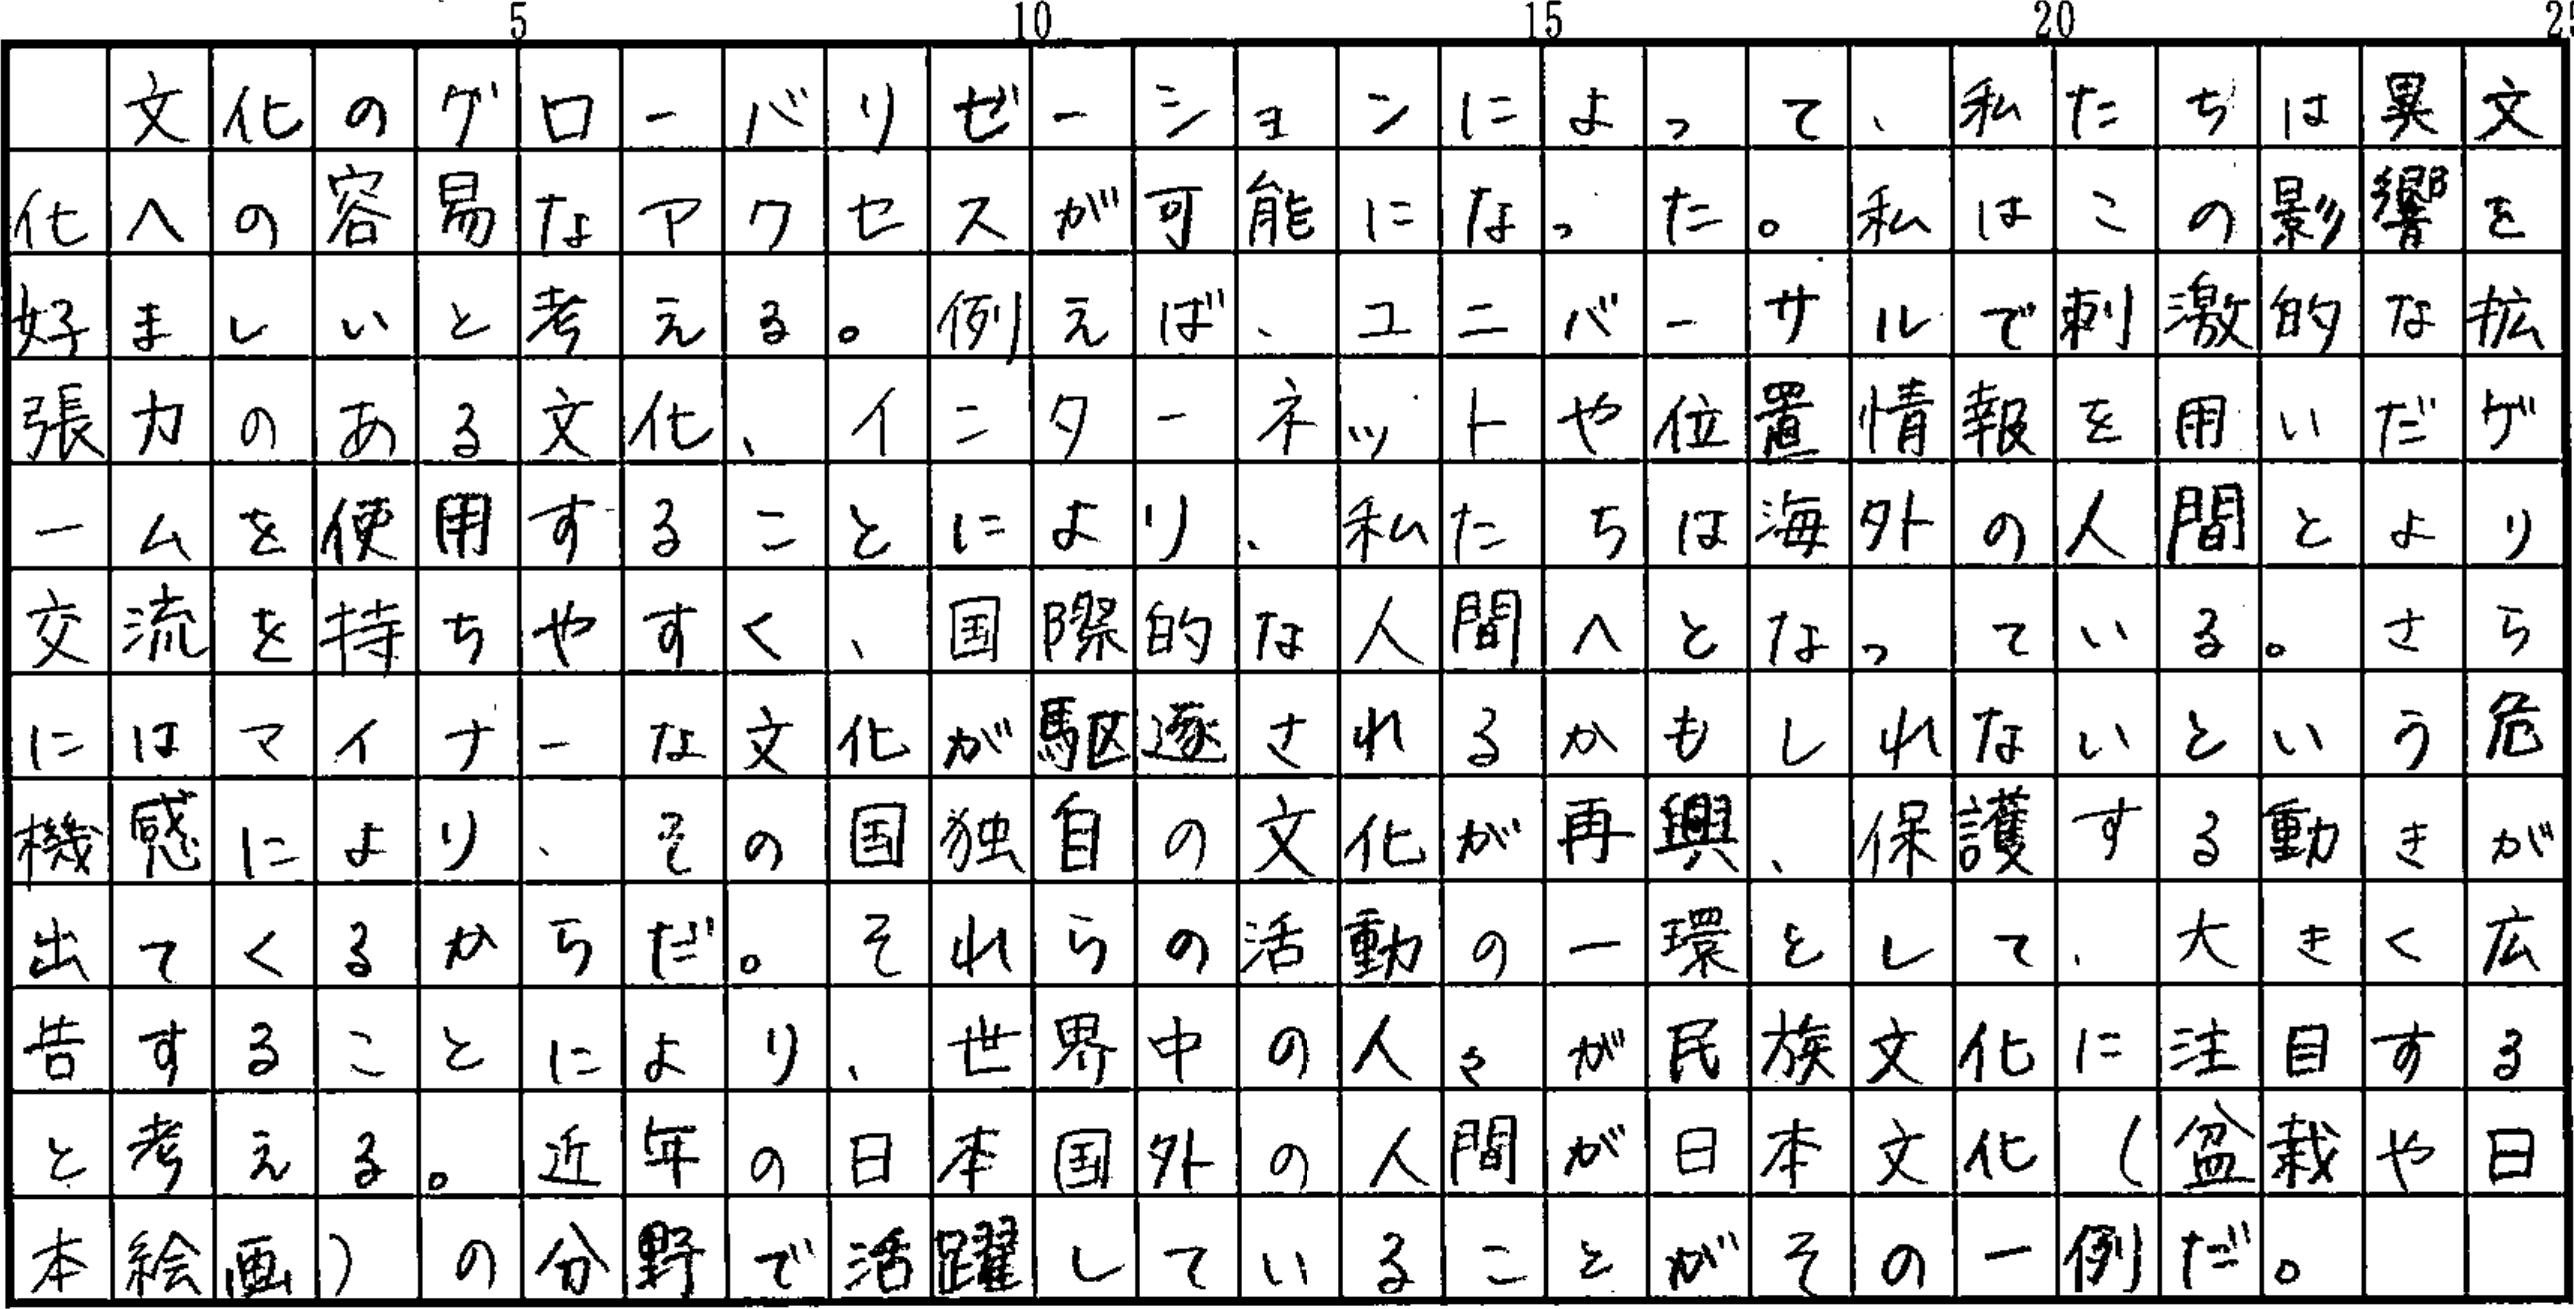　文化のグローバリゼーションによって、私たちは異文化への容易なアクセスが可能になった。私はこの影響を好ましいと考える。例えば、ユニバーサルで刺激的な拡張力のある文化、インターネットや位置情報を用いたゲームを使用することにより、私たちは海外の人間とより交流を持ちやすく、国際的な人間へとなっている。さらにはマイナーな文化が駆逐されるかもしれないという危機感により、その国独自の文化が再興、保護する動きが出てくるからだ。それらの活動の一環として、大きく広告することにより、世界中の人々が民族文化に注目すると考える。近年の日本国外の人間が日本文化（盆栽や日本絵画）の分野で活躍していることがその一例だ。
